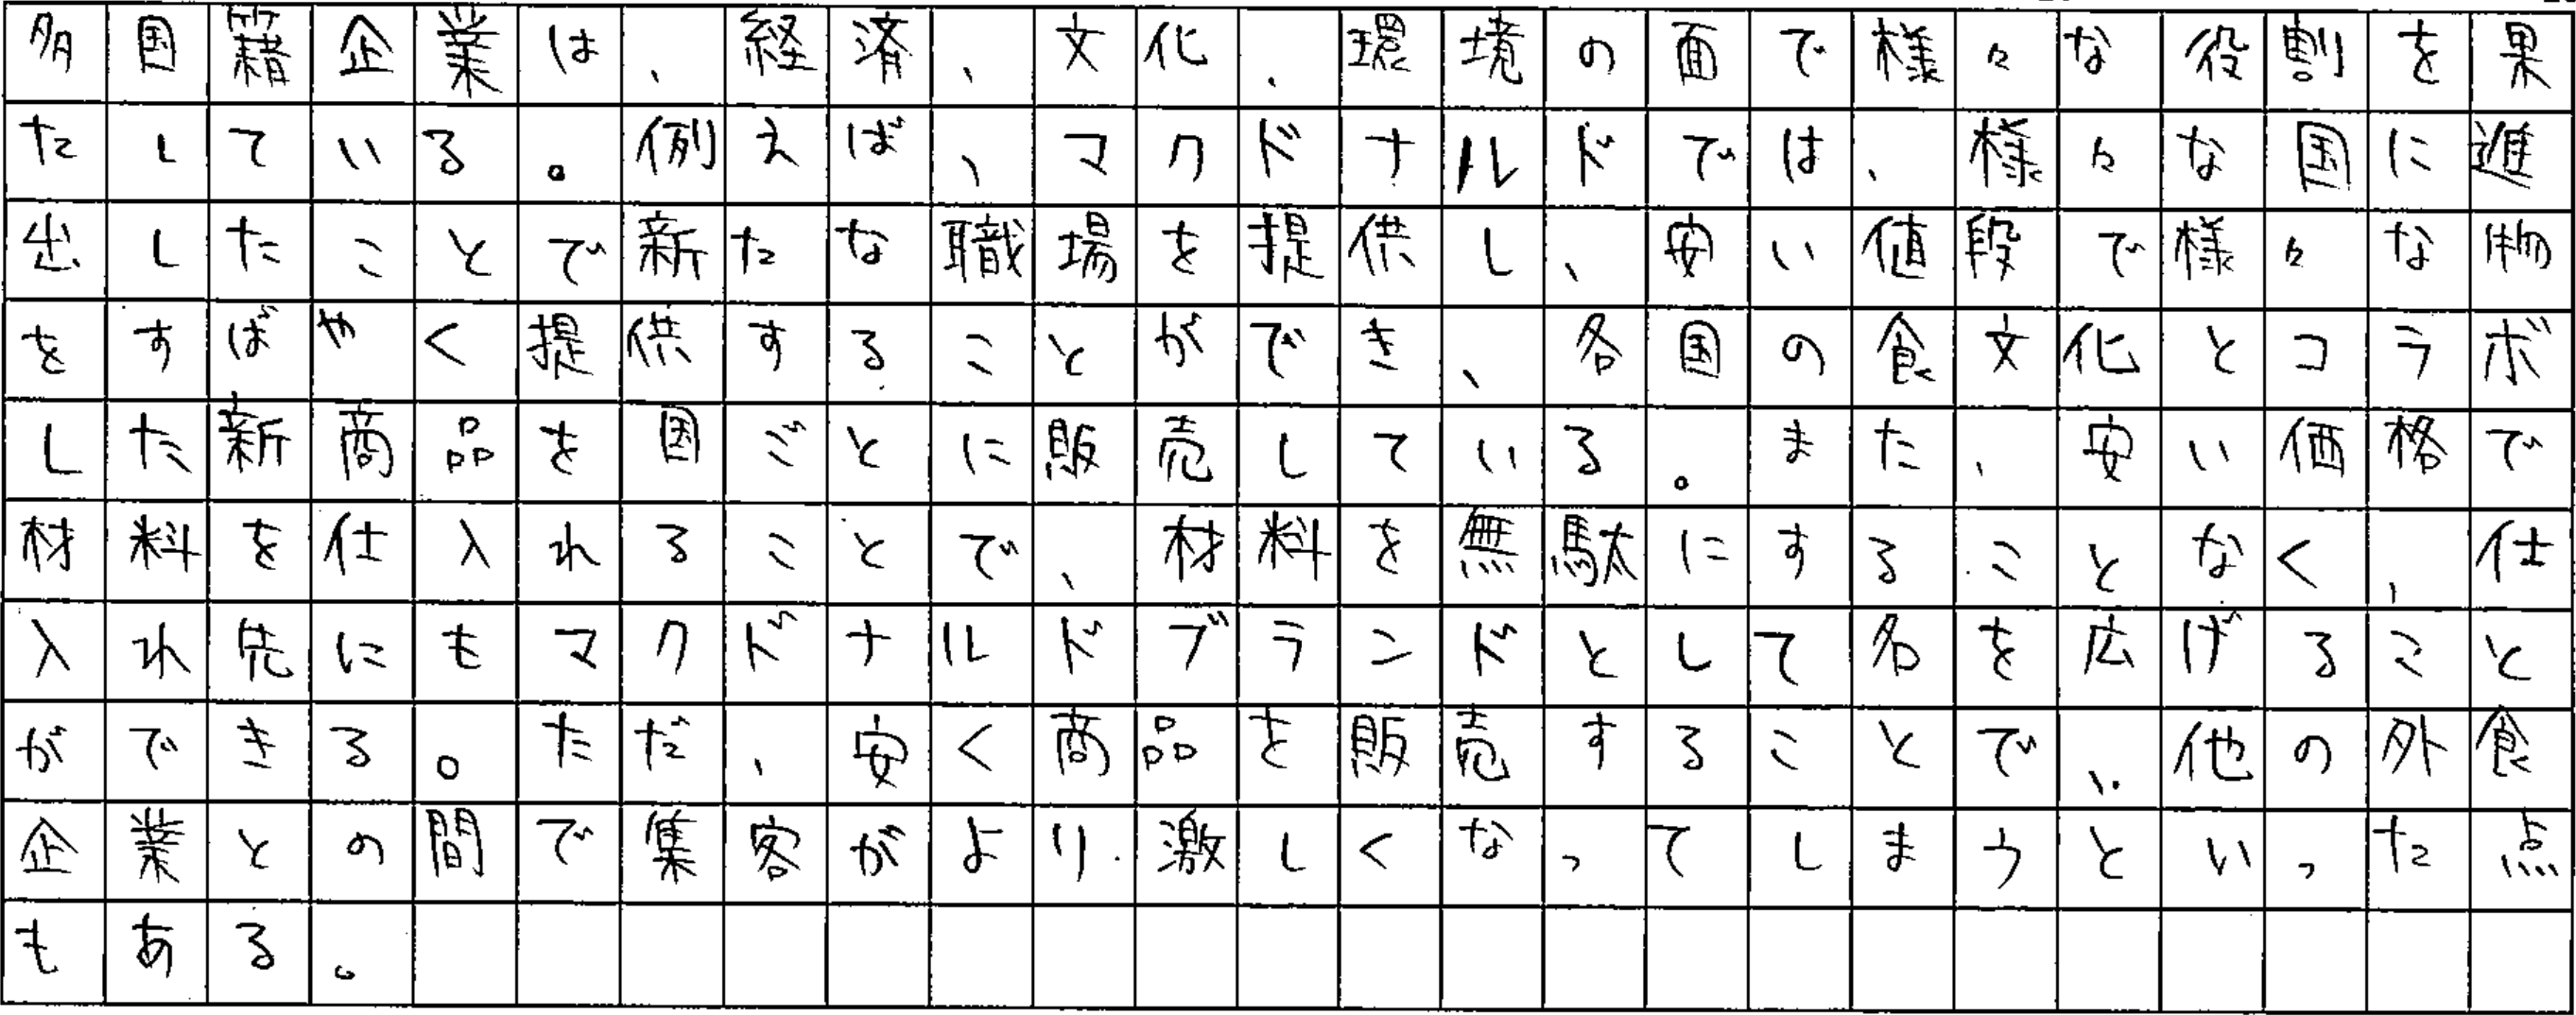多国籍企業は、経済、文化、環境の面で様々な役割を果たしている。例えば、マクドナルドでは、様々な国に進出したことで新たな職場を提供し、安い値段で様々な物をすばやく提供することができ、各国の食文化とコラボした新商品を国ごとに販売している。また、安い価格で材料を仕入れることで、材料を無駄にすることなく、仕入れ先にもマクドナルドブランドとして名を広げることができる。ただ、安く商品を販売することで、他の外食企業との間で集客がより激しくなってしまうといった点もある。
